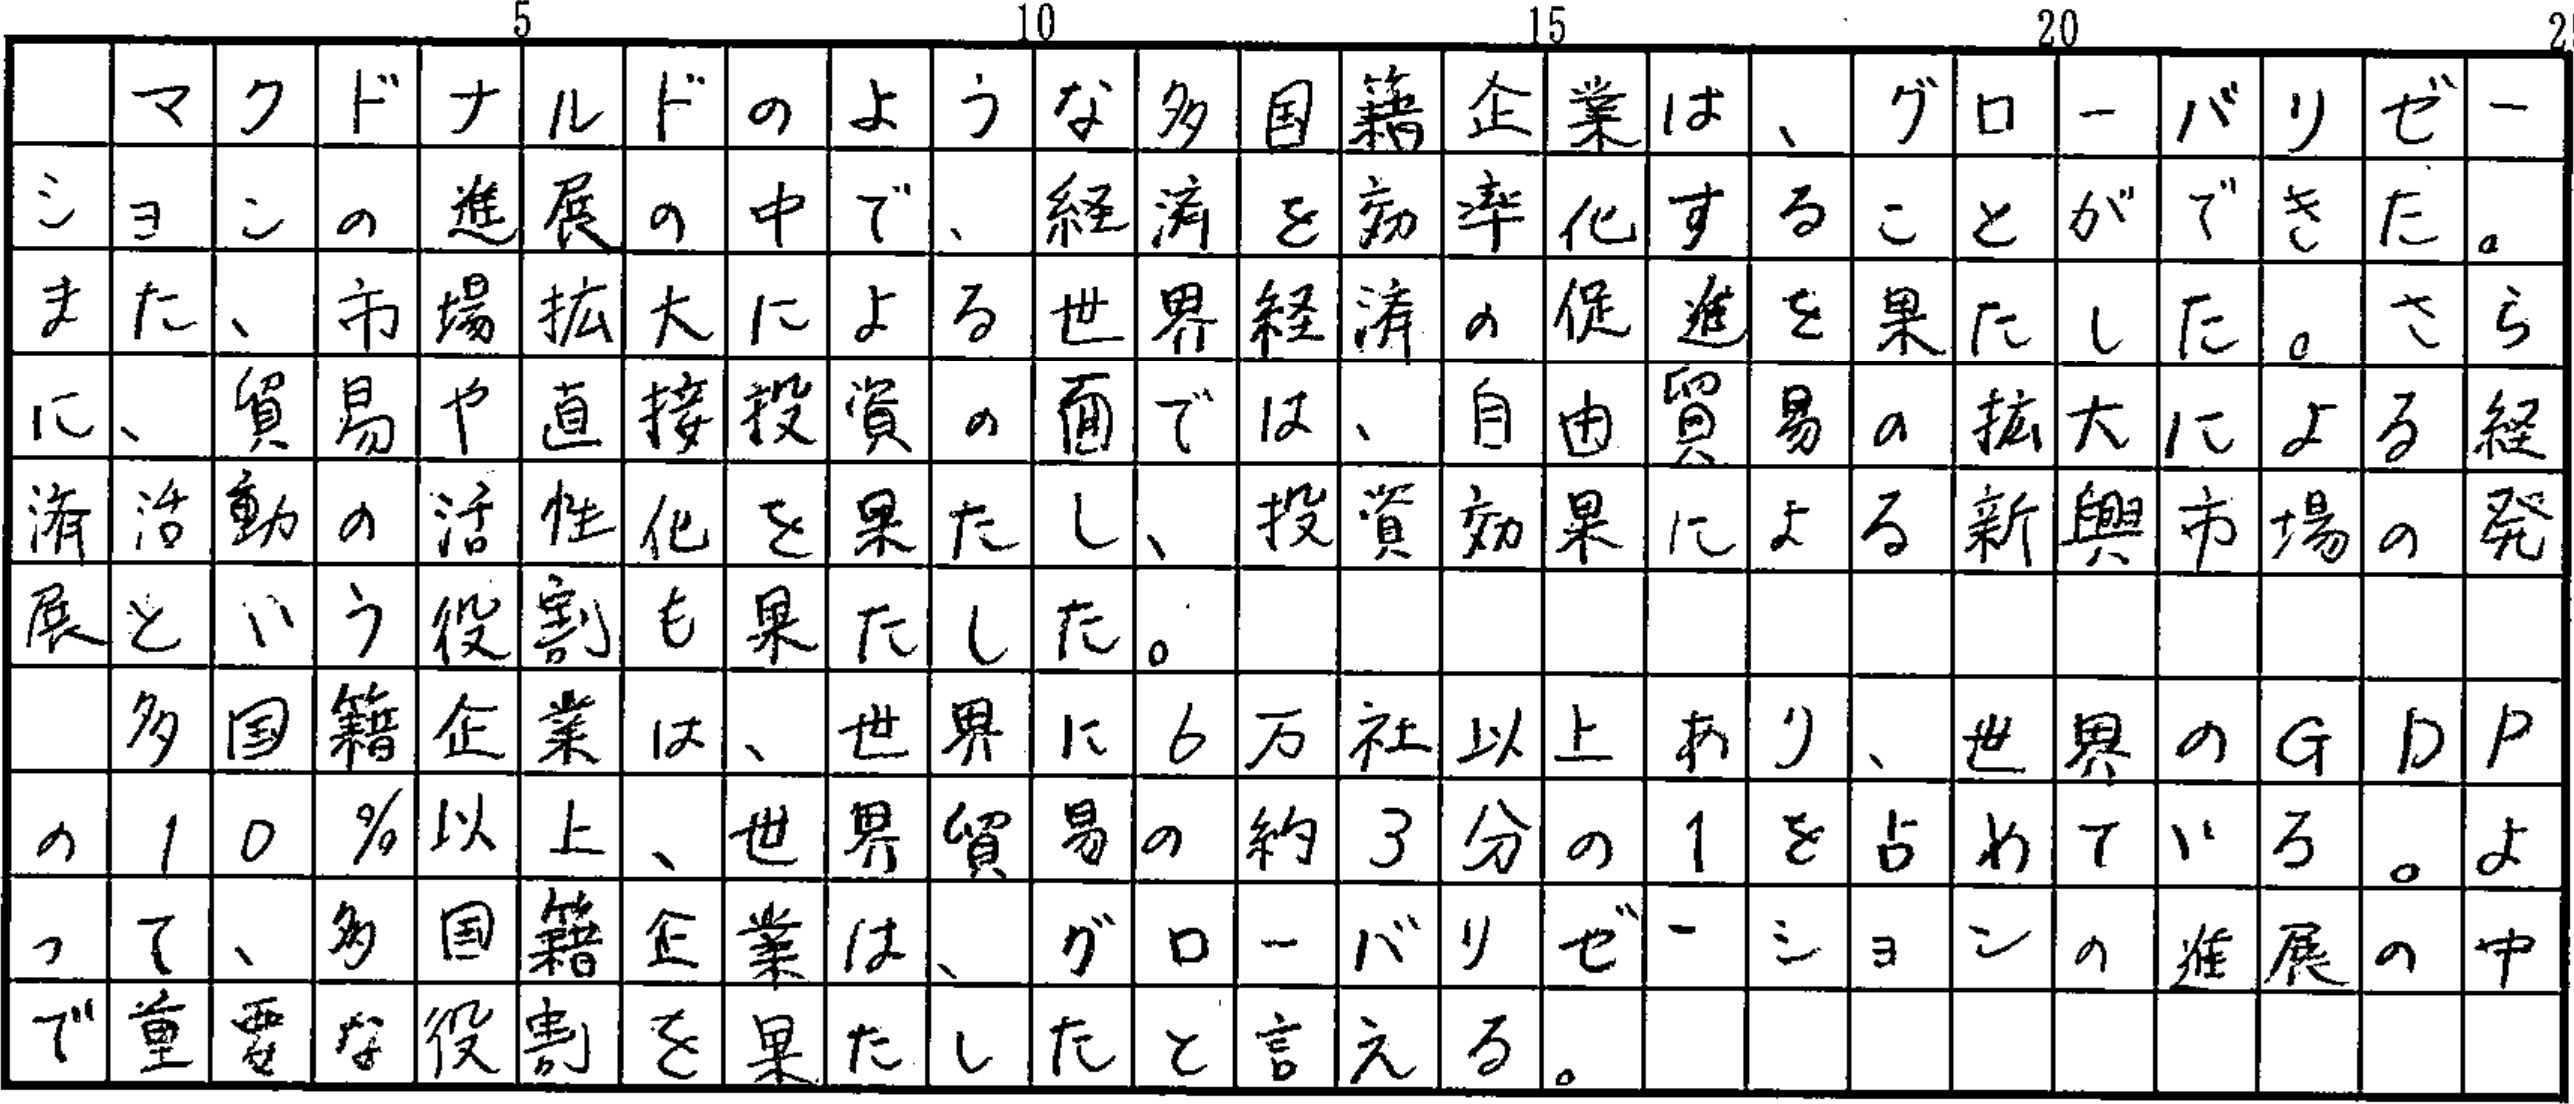　マクドナルドのような多国籍企業は、グローバリゼーションの進展の中で、経済を効率化することができた。また、市場拡大による世界経済の促進を果たした。さらに、貿易や直接投資の面では、自由貿易の拡大による経済活動の活性化を果たし、投資効果による新興市場の発展という役割も果たした。
　多国籍企業は、世界に６万社以上あり、世界のＧＤＰの１０％以上、世界貿易の約３分の１を占めている。よって、多国籍企業は、グローバリゼーションの進展の中で重要な役割を果たしたと言える。
